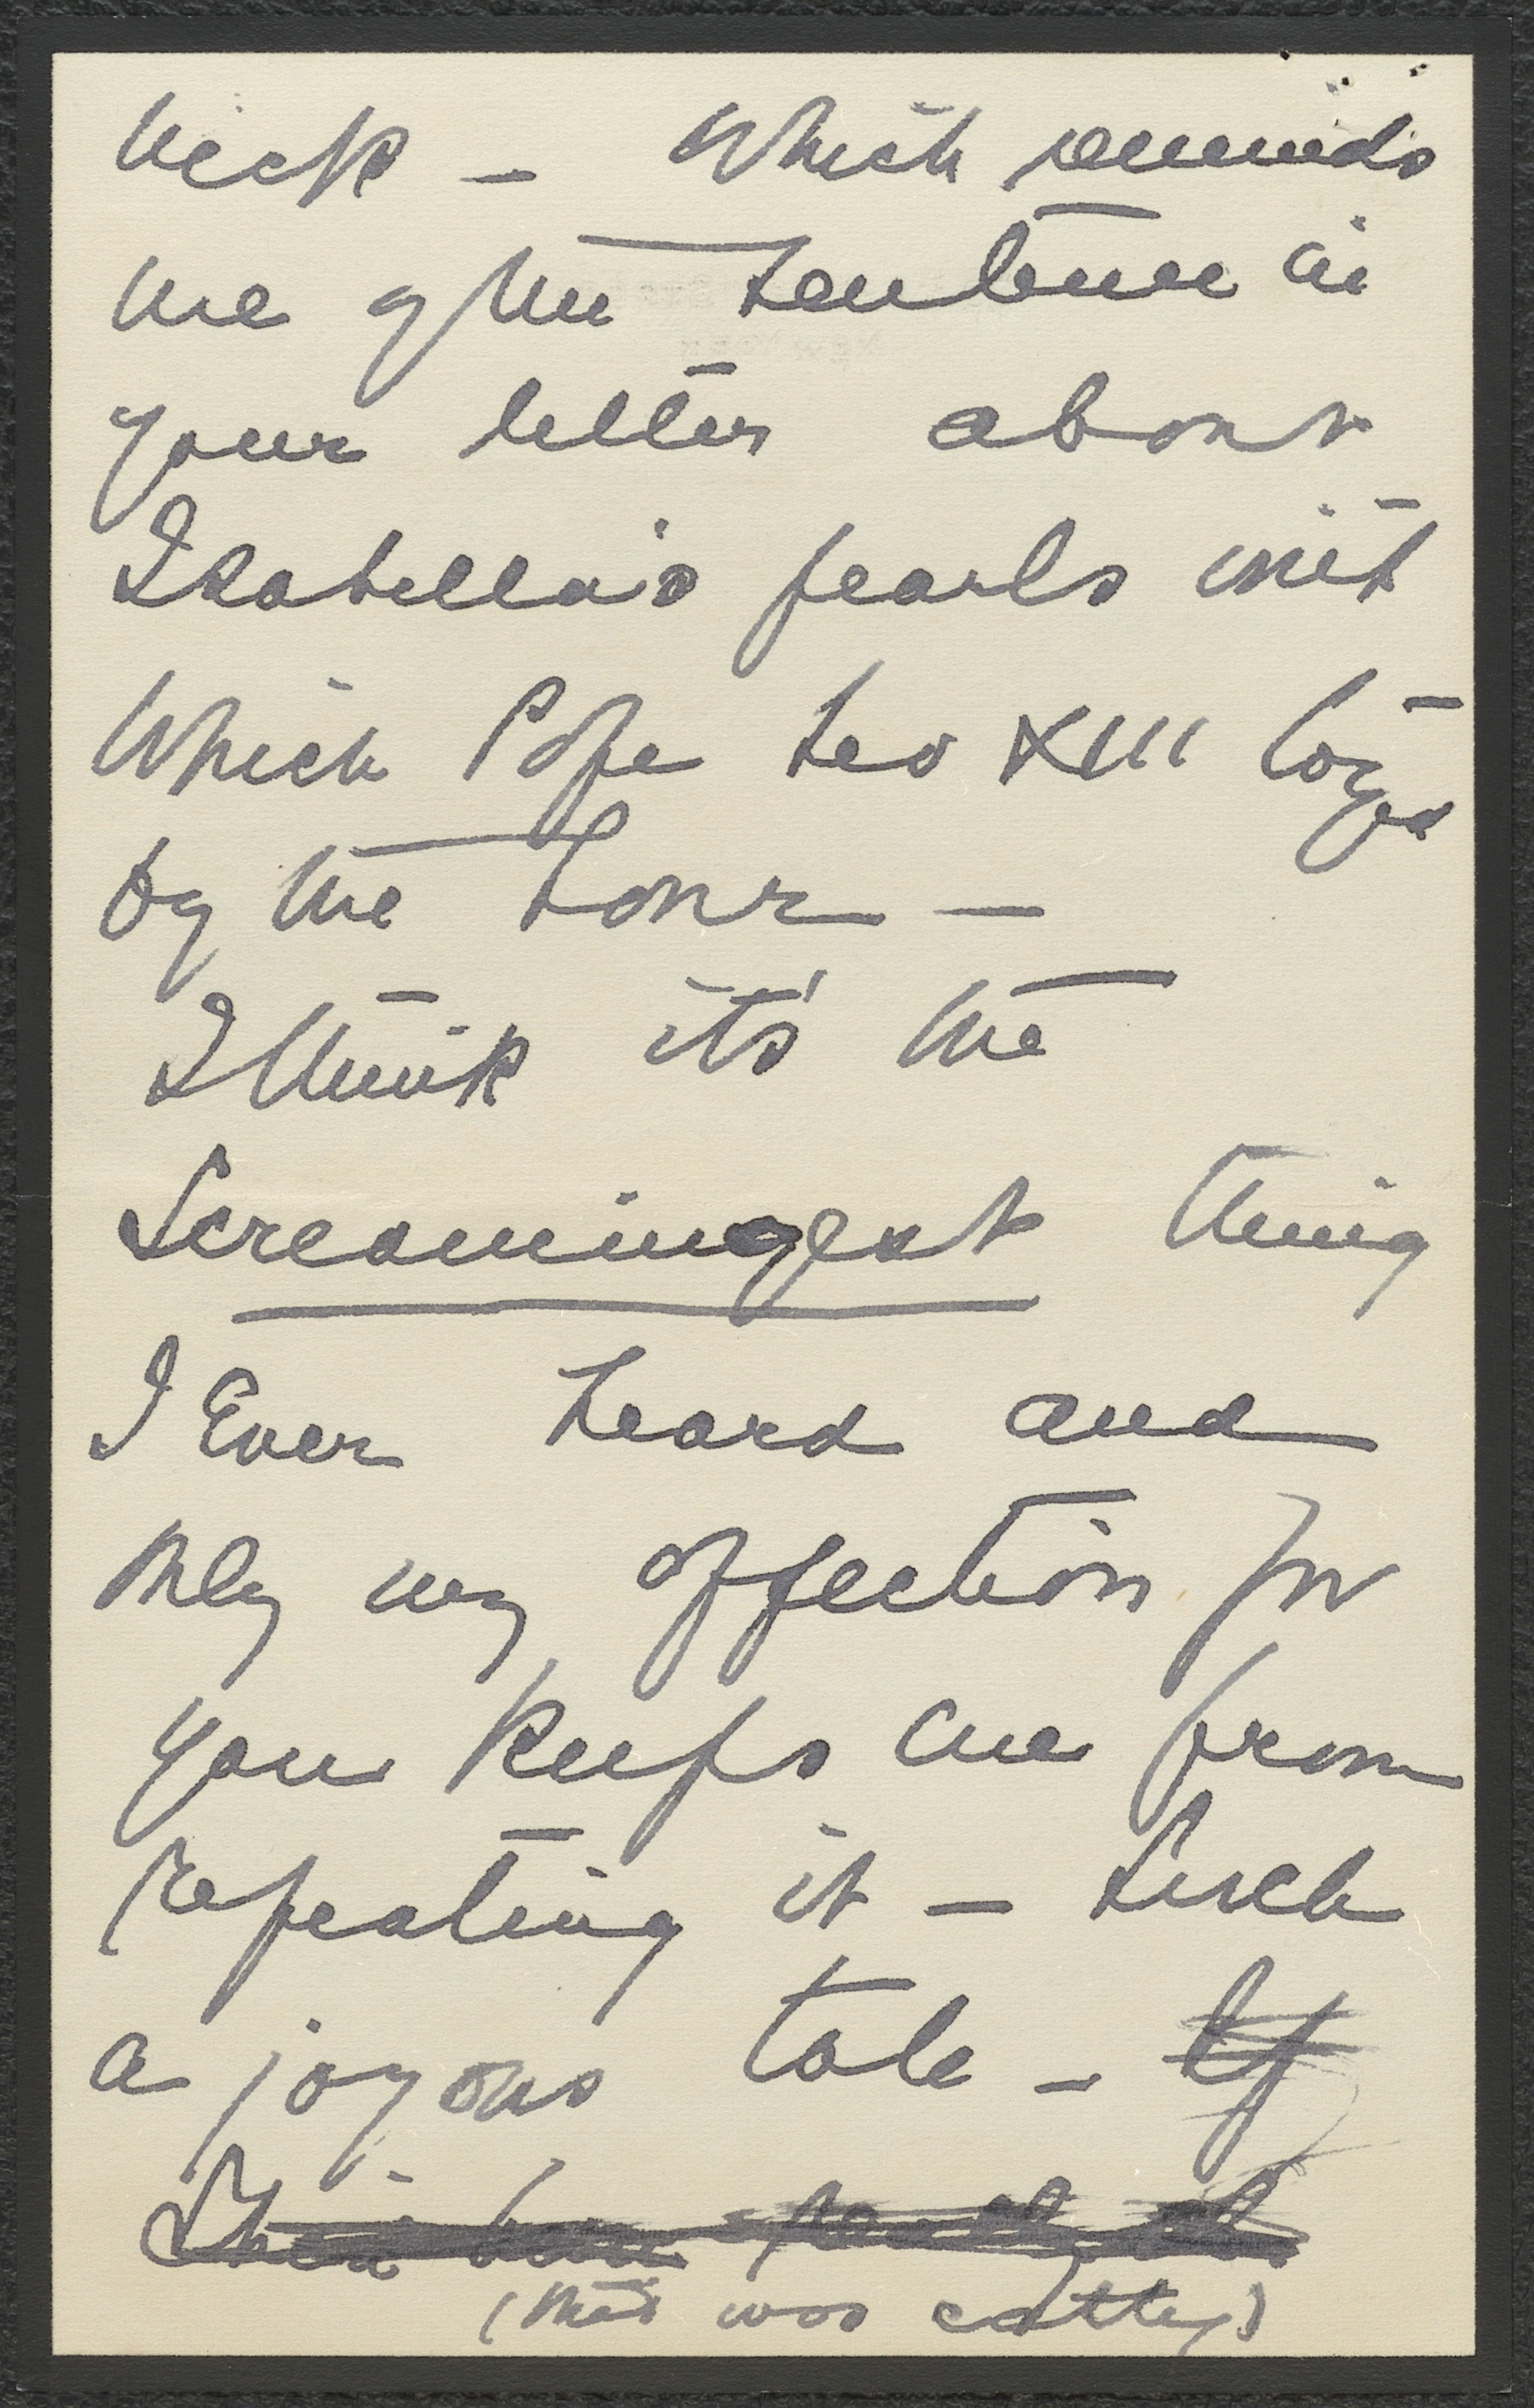neck – which reminds me of the sentence in your letter about Isabella’s pearls with which Pope Leo XIII toyed by the hour –
I think it’s the screamingest thing I ever heard and only my affection for you keeps me from repeating it – Such a joyous tale – If she’d been really [illegible deletion] [^(that was catty)^]